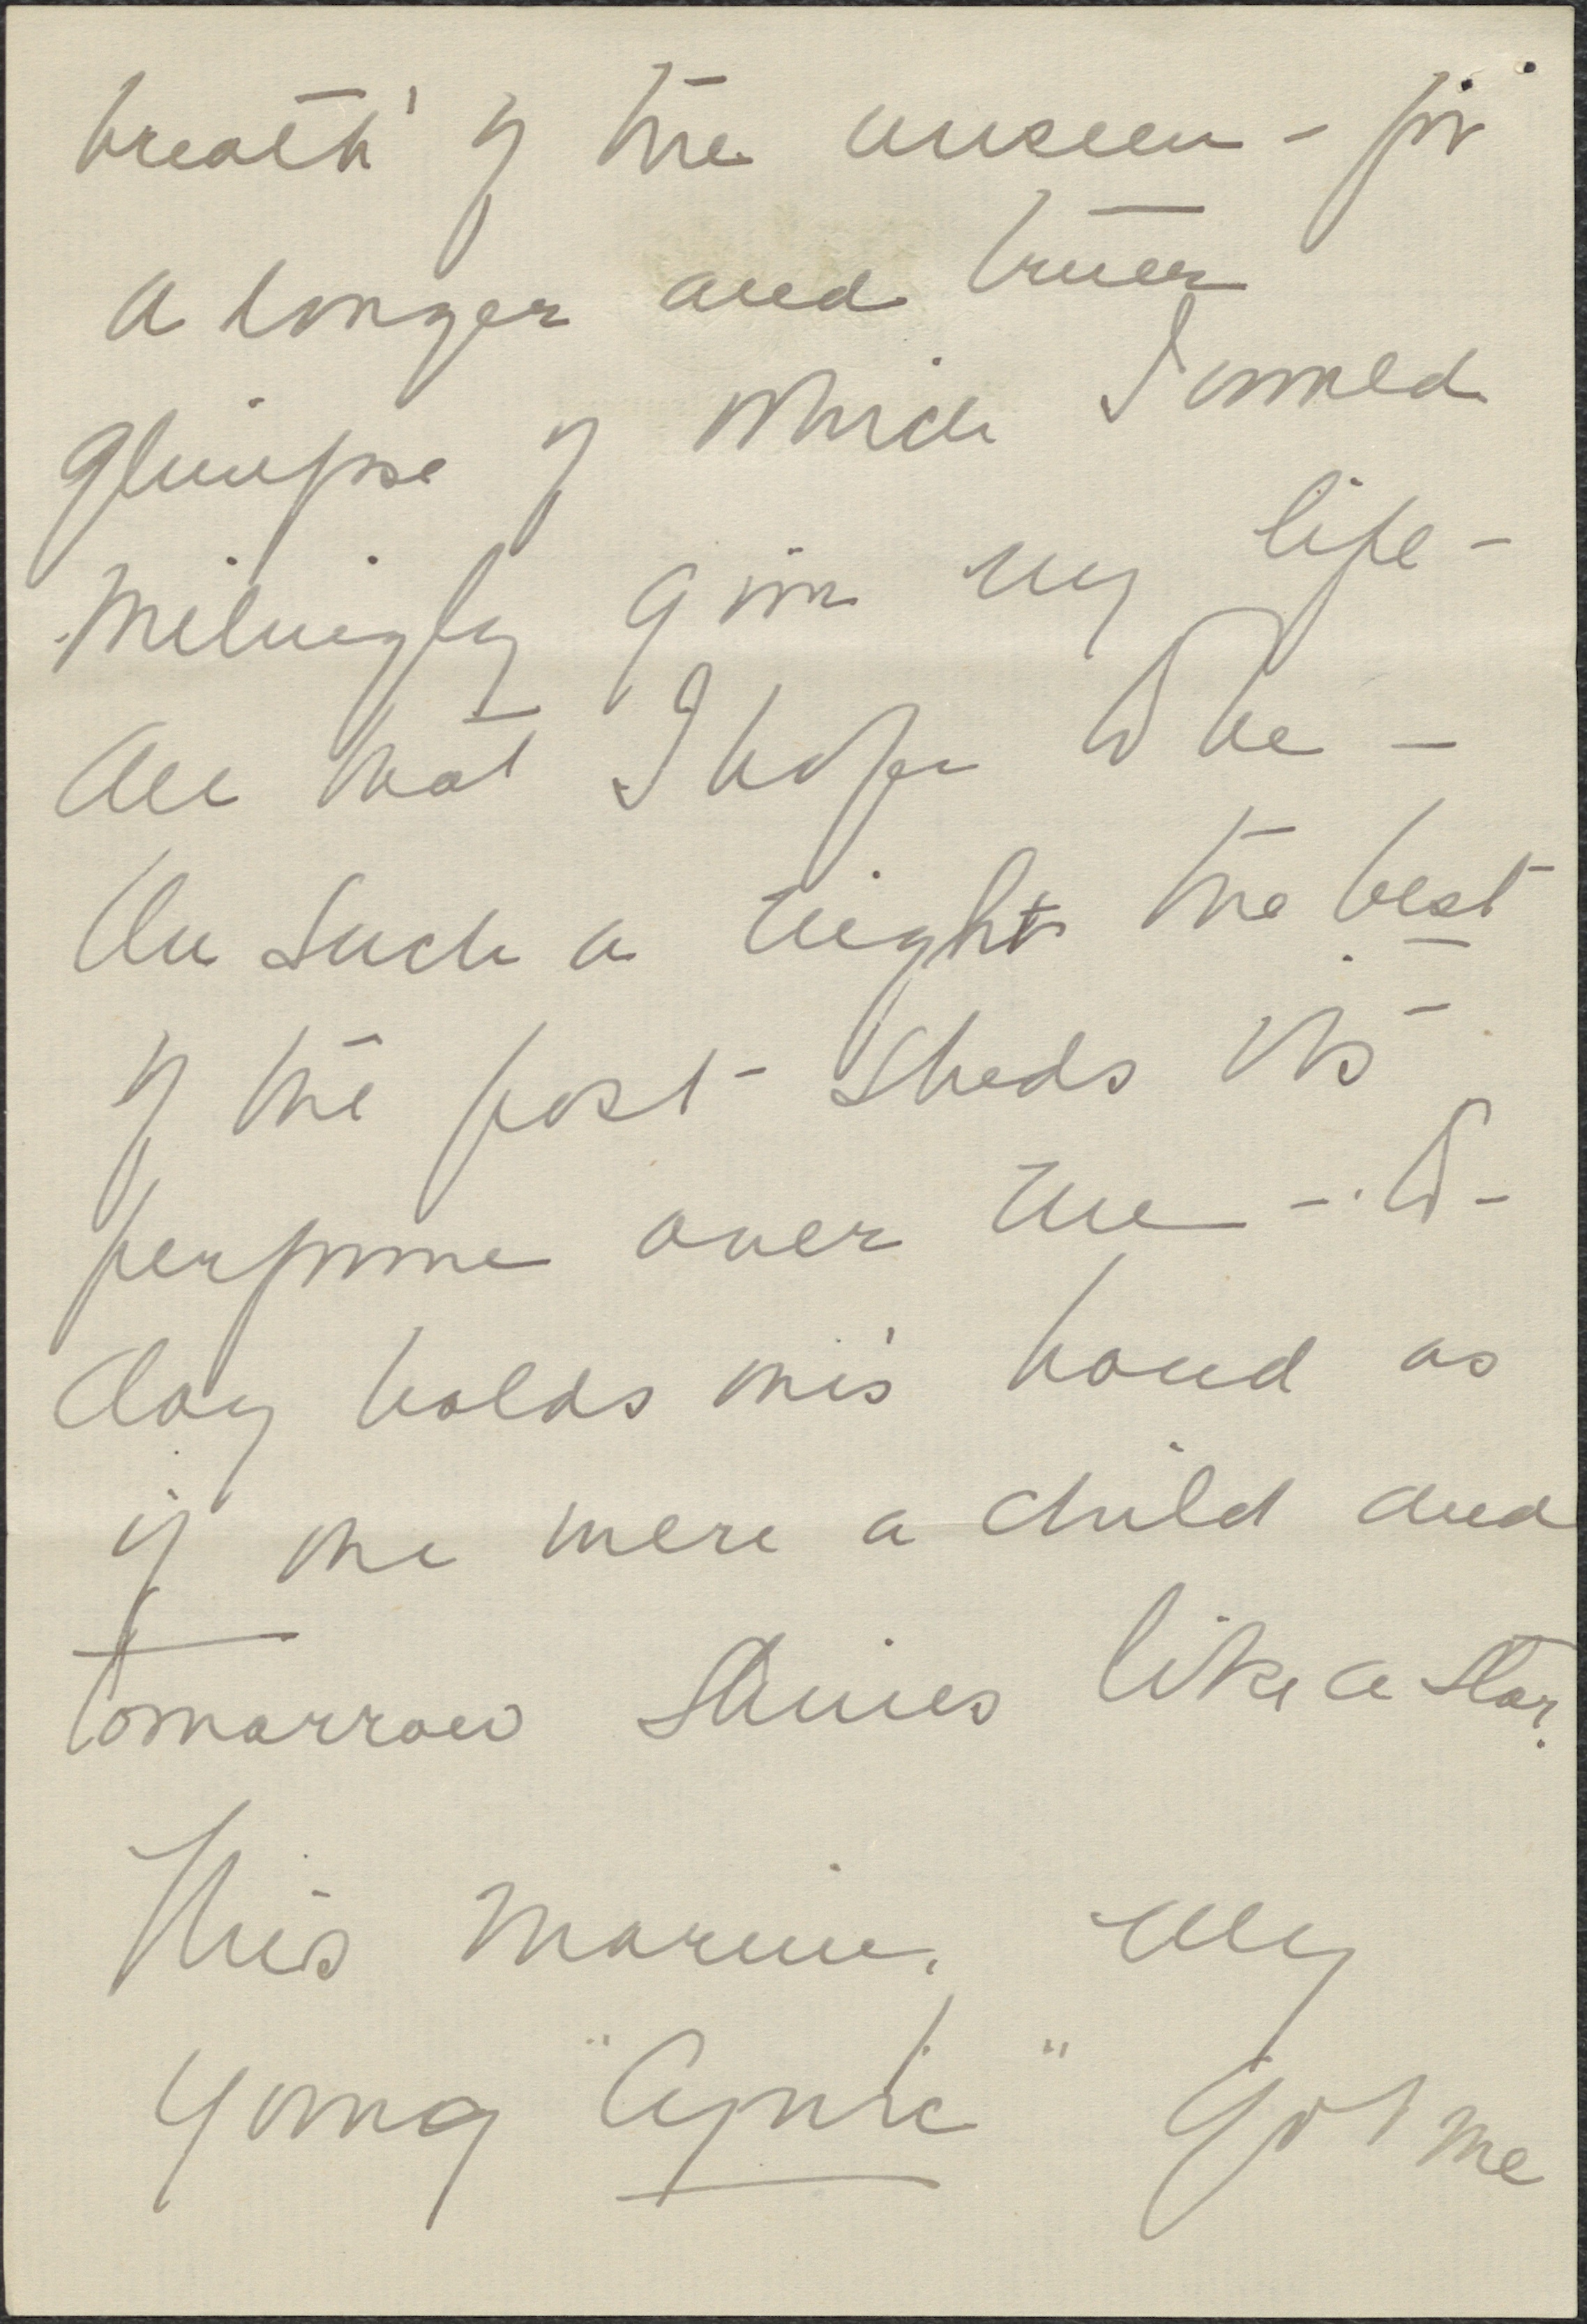breath of the unseen – for a longer and truer glimpse of which I would willingly give my life – all that I hope to be – On such a night the best of the past sheds its perfume over me – today holds one’s hand as if one were a child and tomorrow shines like a star.
This morning my young “cynic” got me